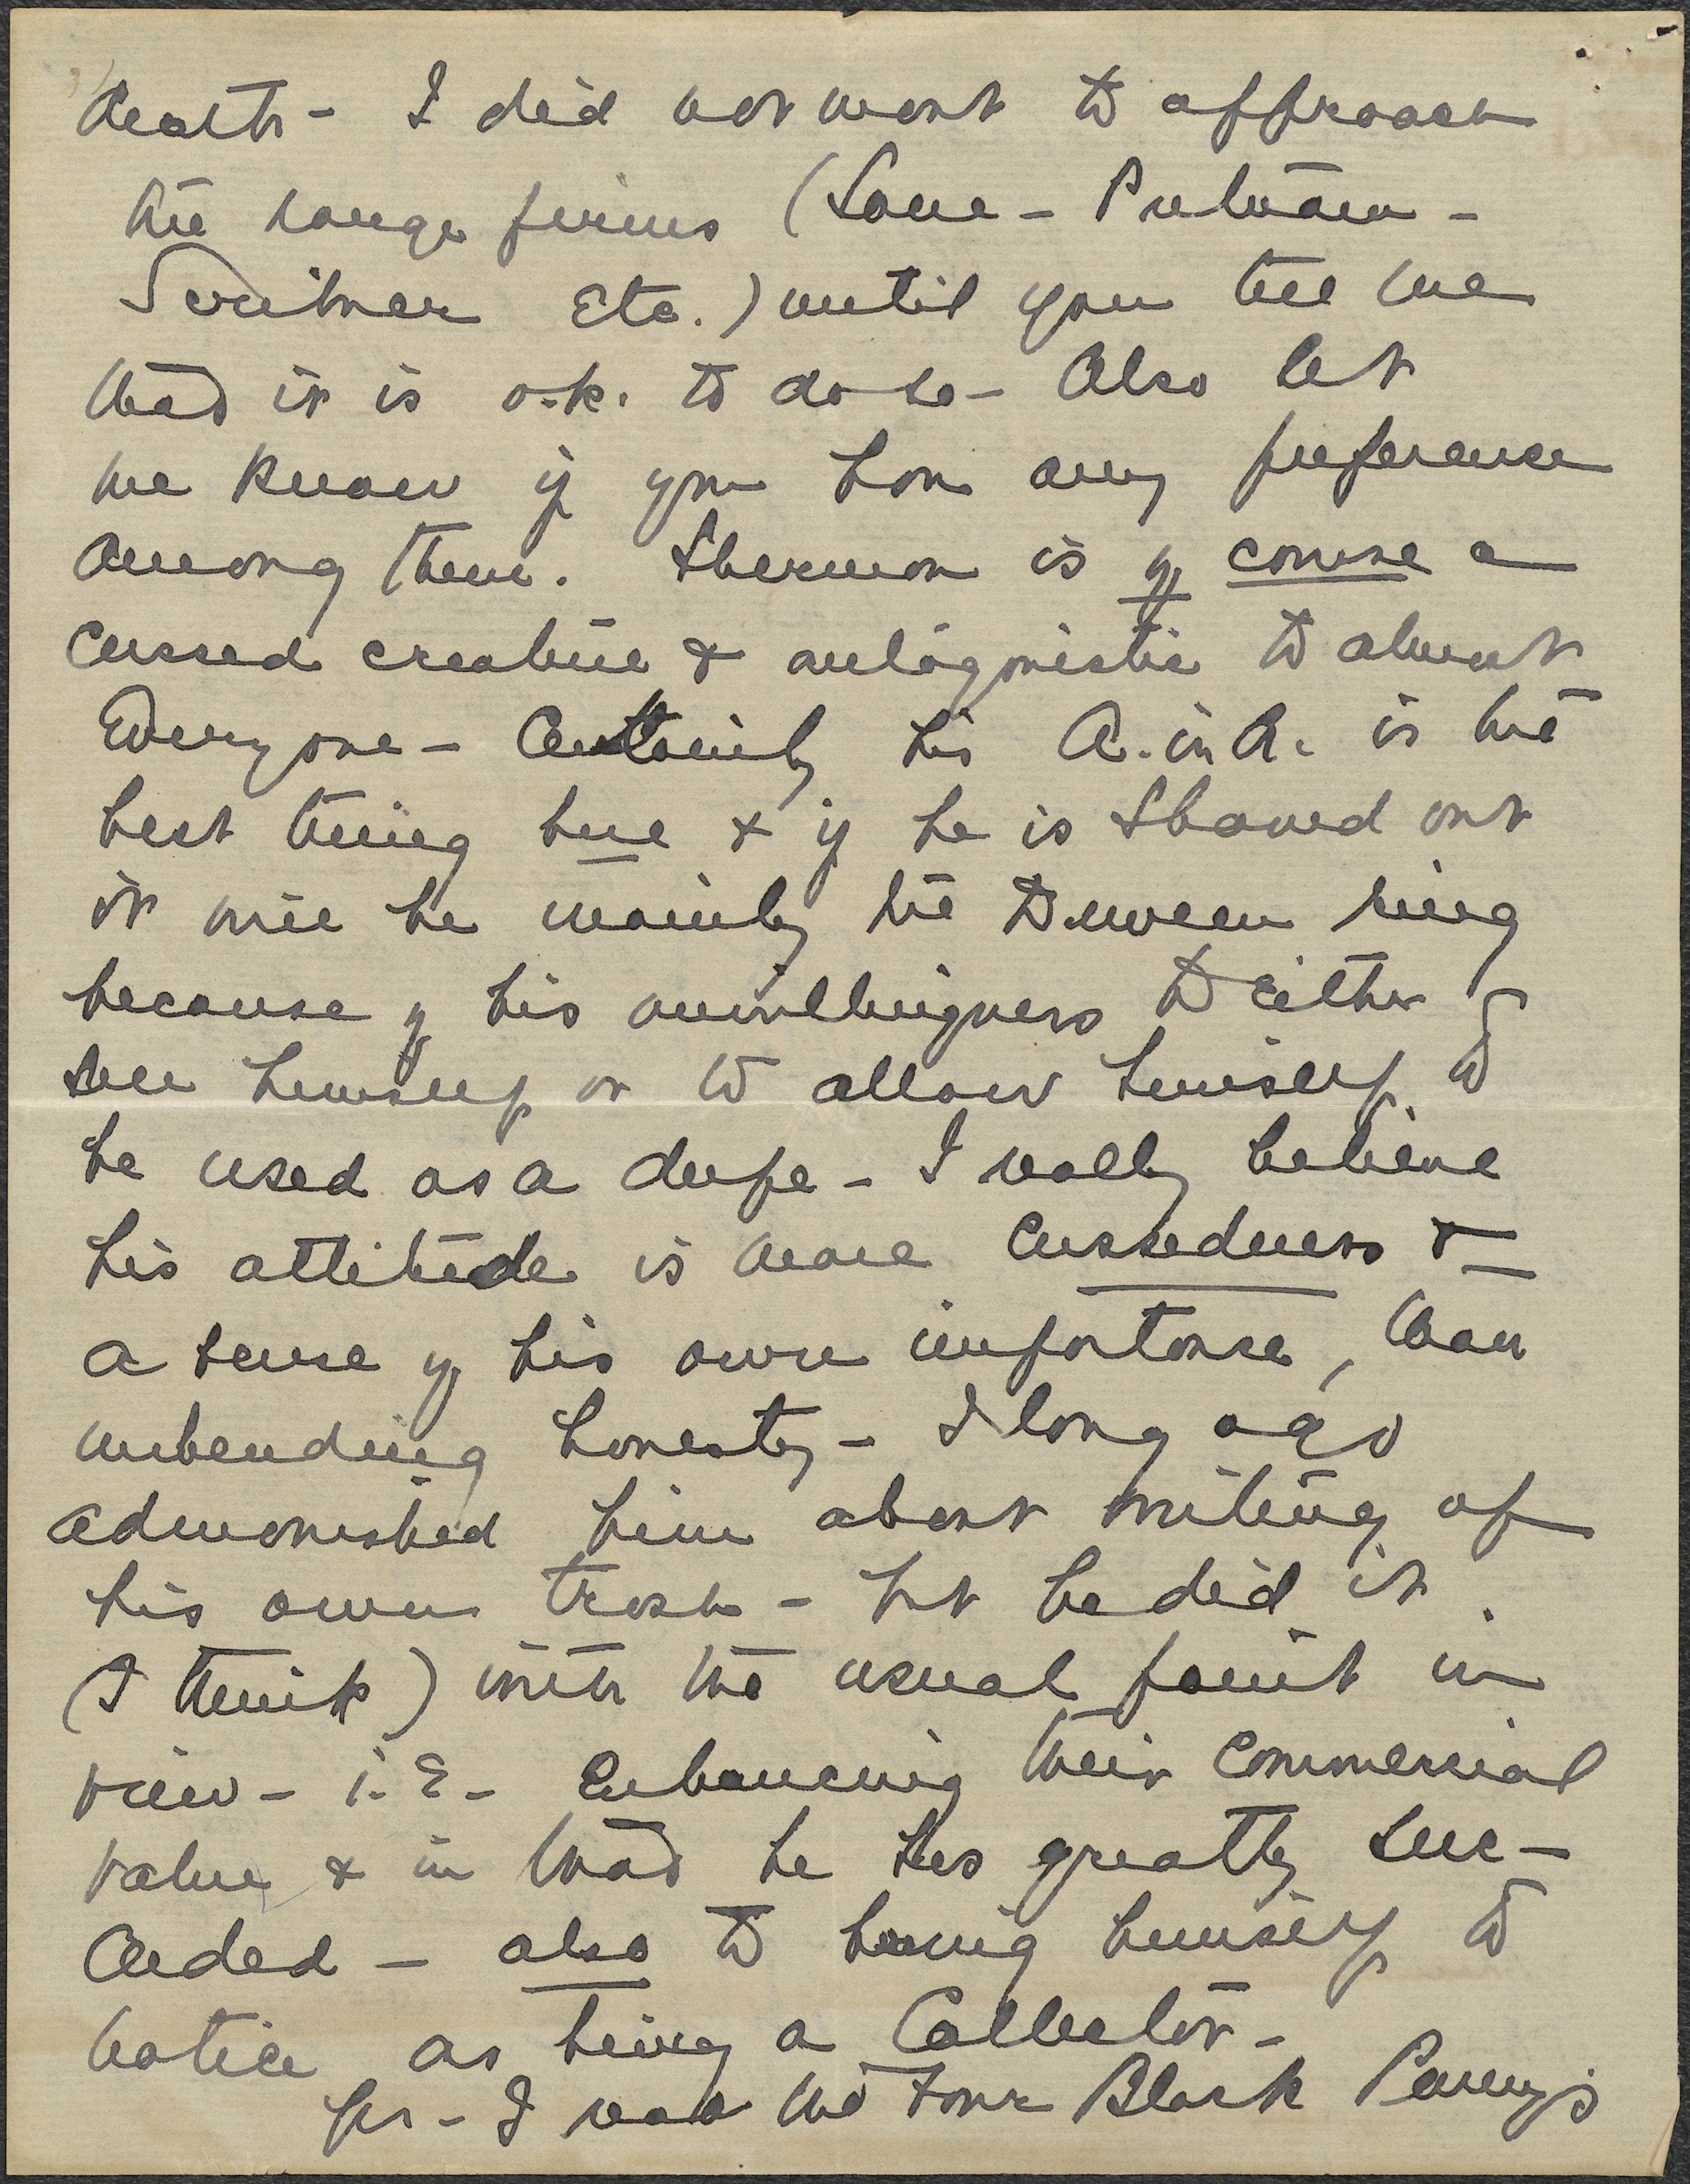death – I did not want to approach the large firms (Lane – Putnam – Scribner etc.) until you tell me that it is o.k. to do so – Also let me know if you have any preference among them. Sherman is of course a cussed creative & antagonistic to almost everyone – Certainly his A. in A. is the best thing here & if he is shoved out it will be mainly the Duveen ring because of his unwillingness to either sue himself or to allow himself to be used as a dupe – I really believe his attitude is more cussedness & a sense of his own importance, than unbending honesty – I long ago admonished him about writing of his own trash – but he did it (I think) with the usual point in view – i.e. enhancing their commercial value & in that he has greatly succeeded – also to bring himself to notice as being a collector –
ps – I read the Four Black Penny's